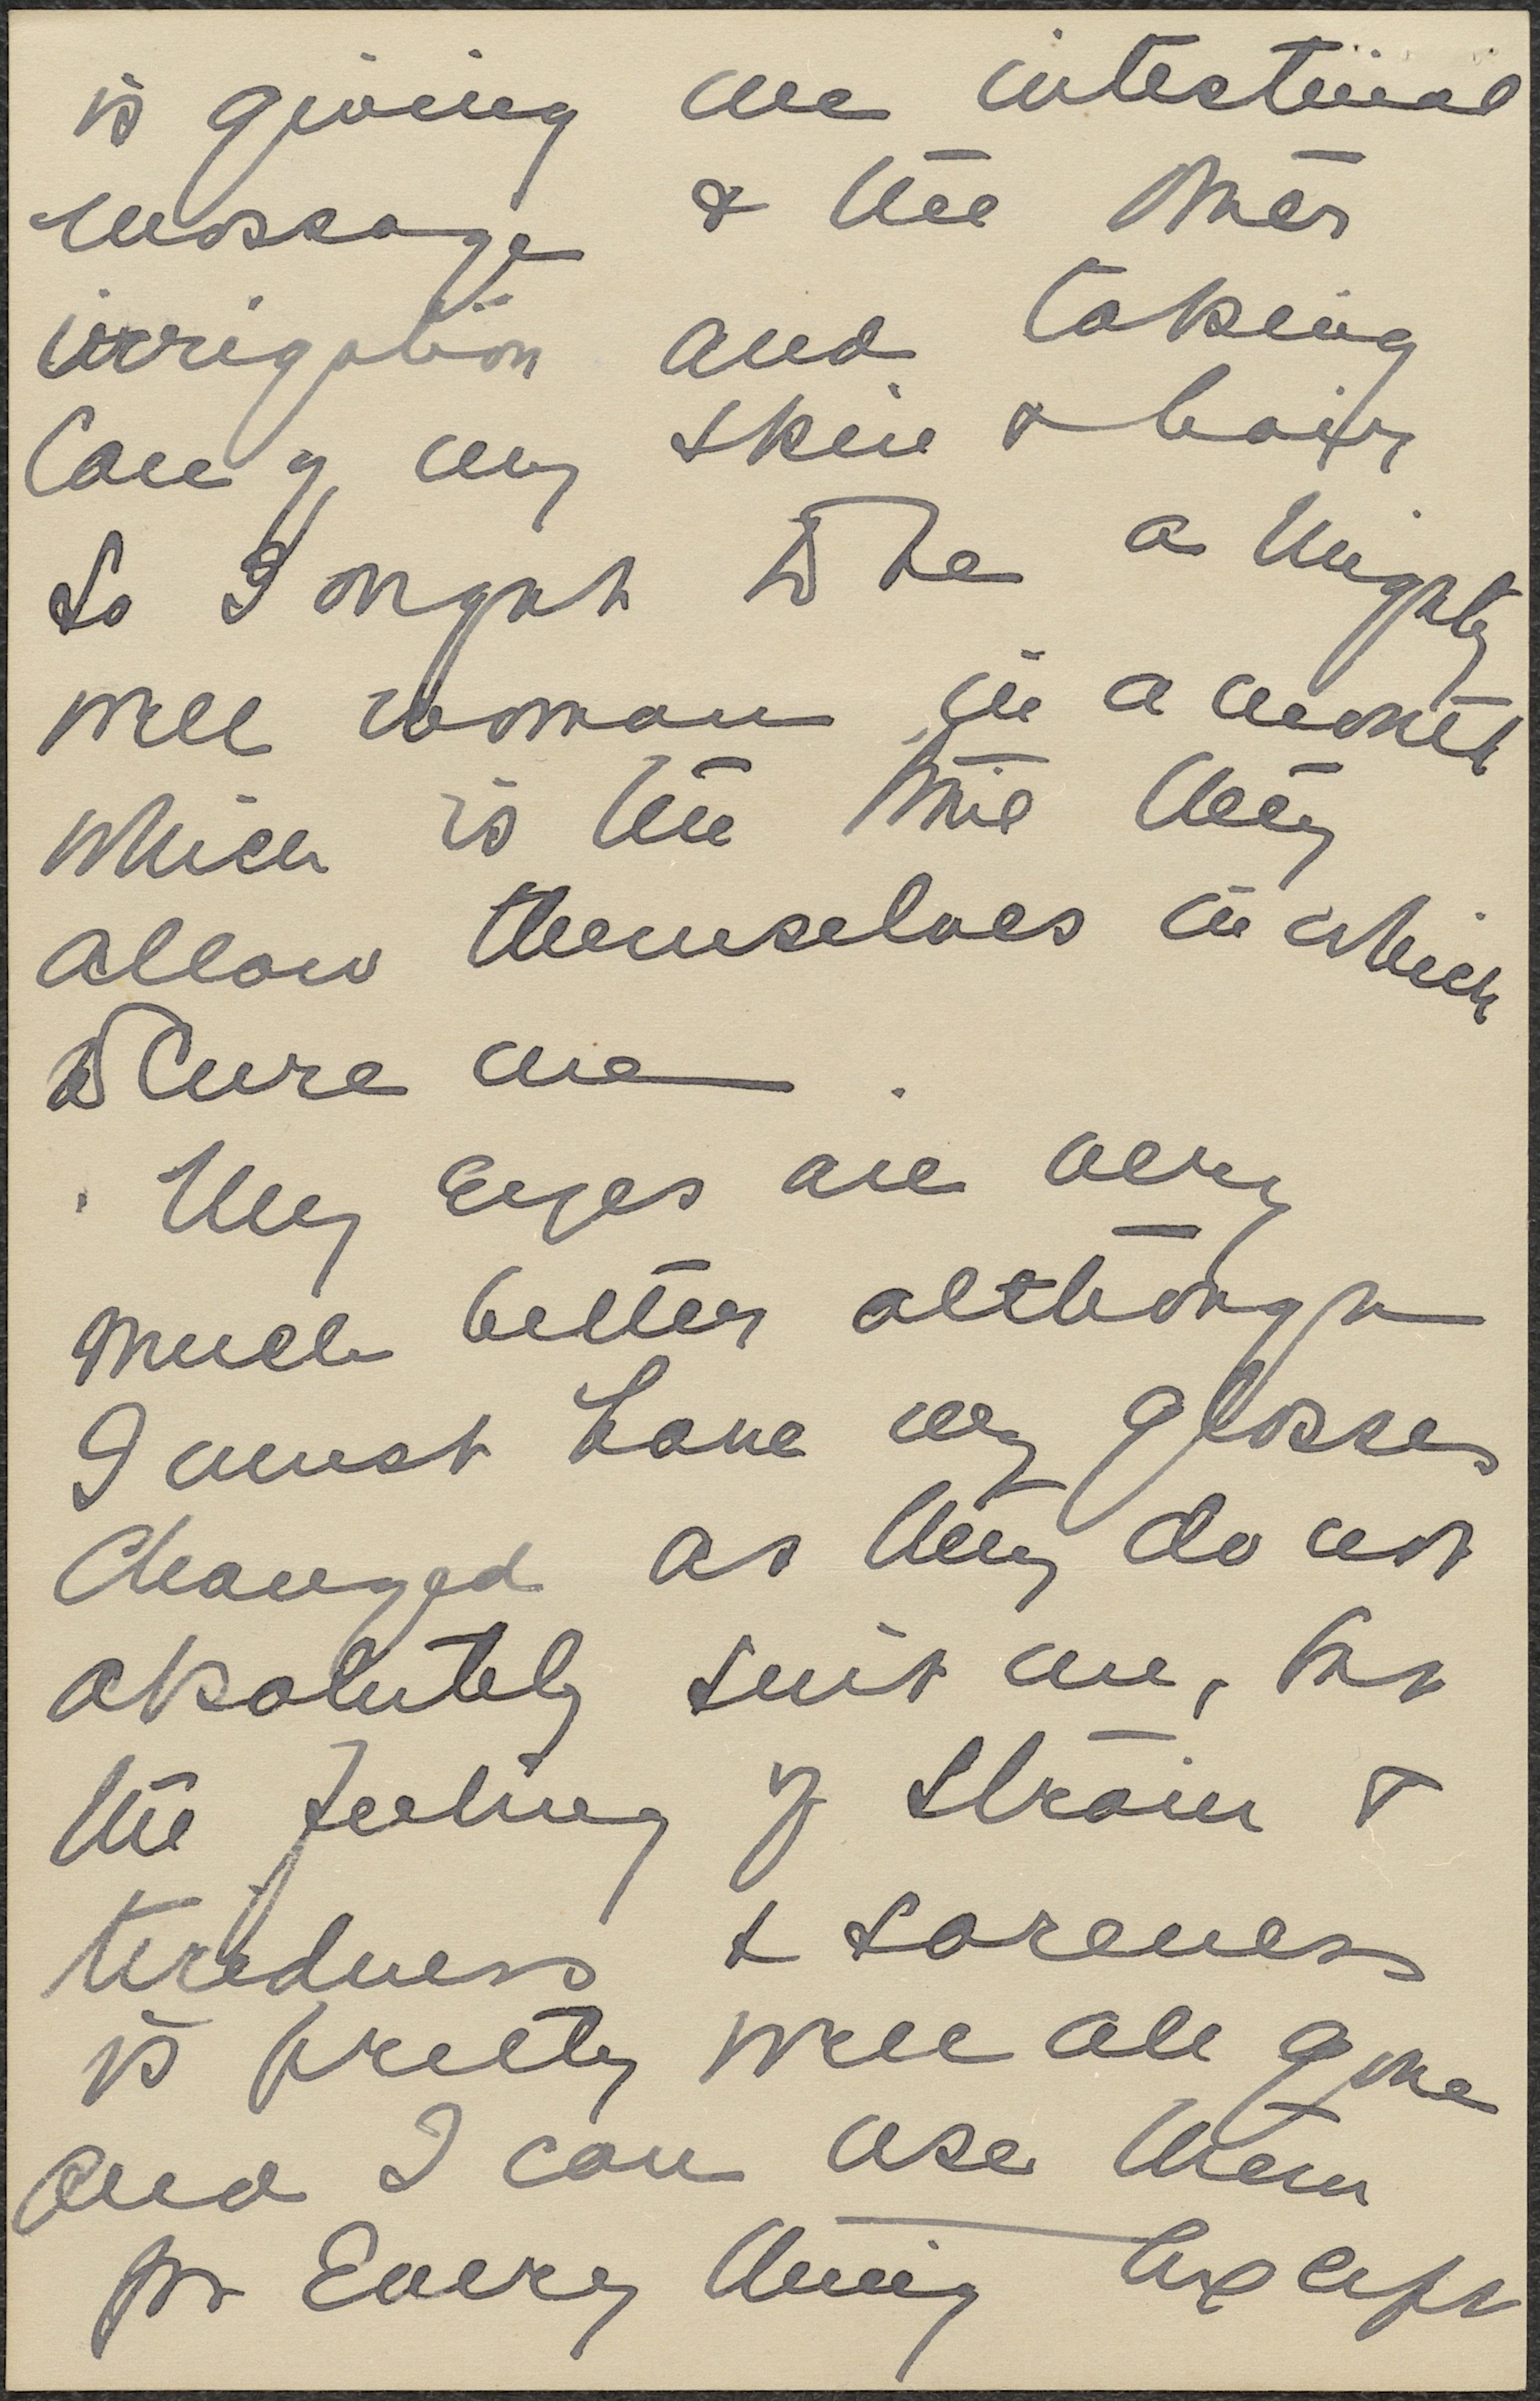is giving me intestinal massage & the other irrigation and taking care of my skin & hair so I ought to be a mighty well woman in a month which is the time they allow themselves in which to cure me.
My eyes are very much better although I must have my glasses changed as they do not absolutely suit me, but the feeling of strain & tiredness & soreness is pretty well all gone and I can use them for every thing except